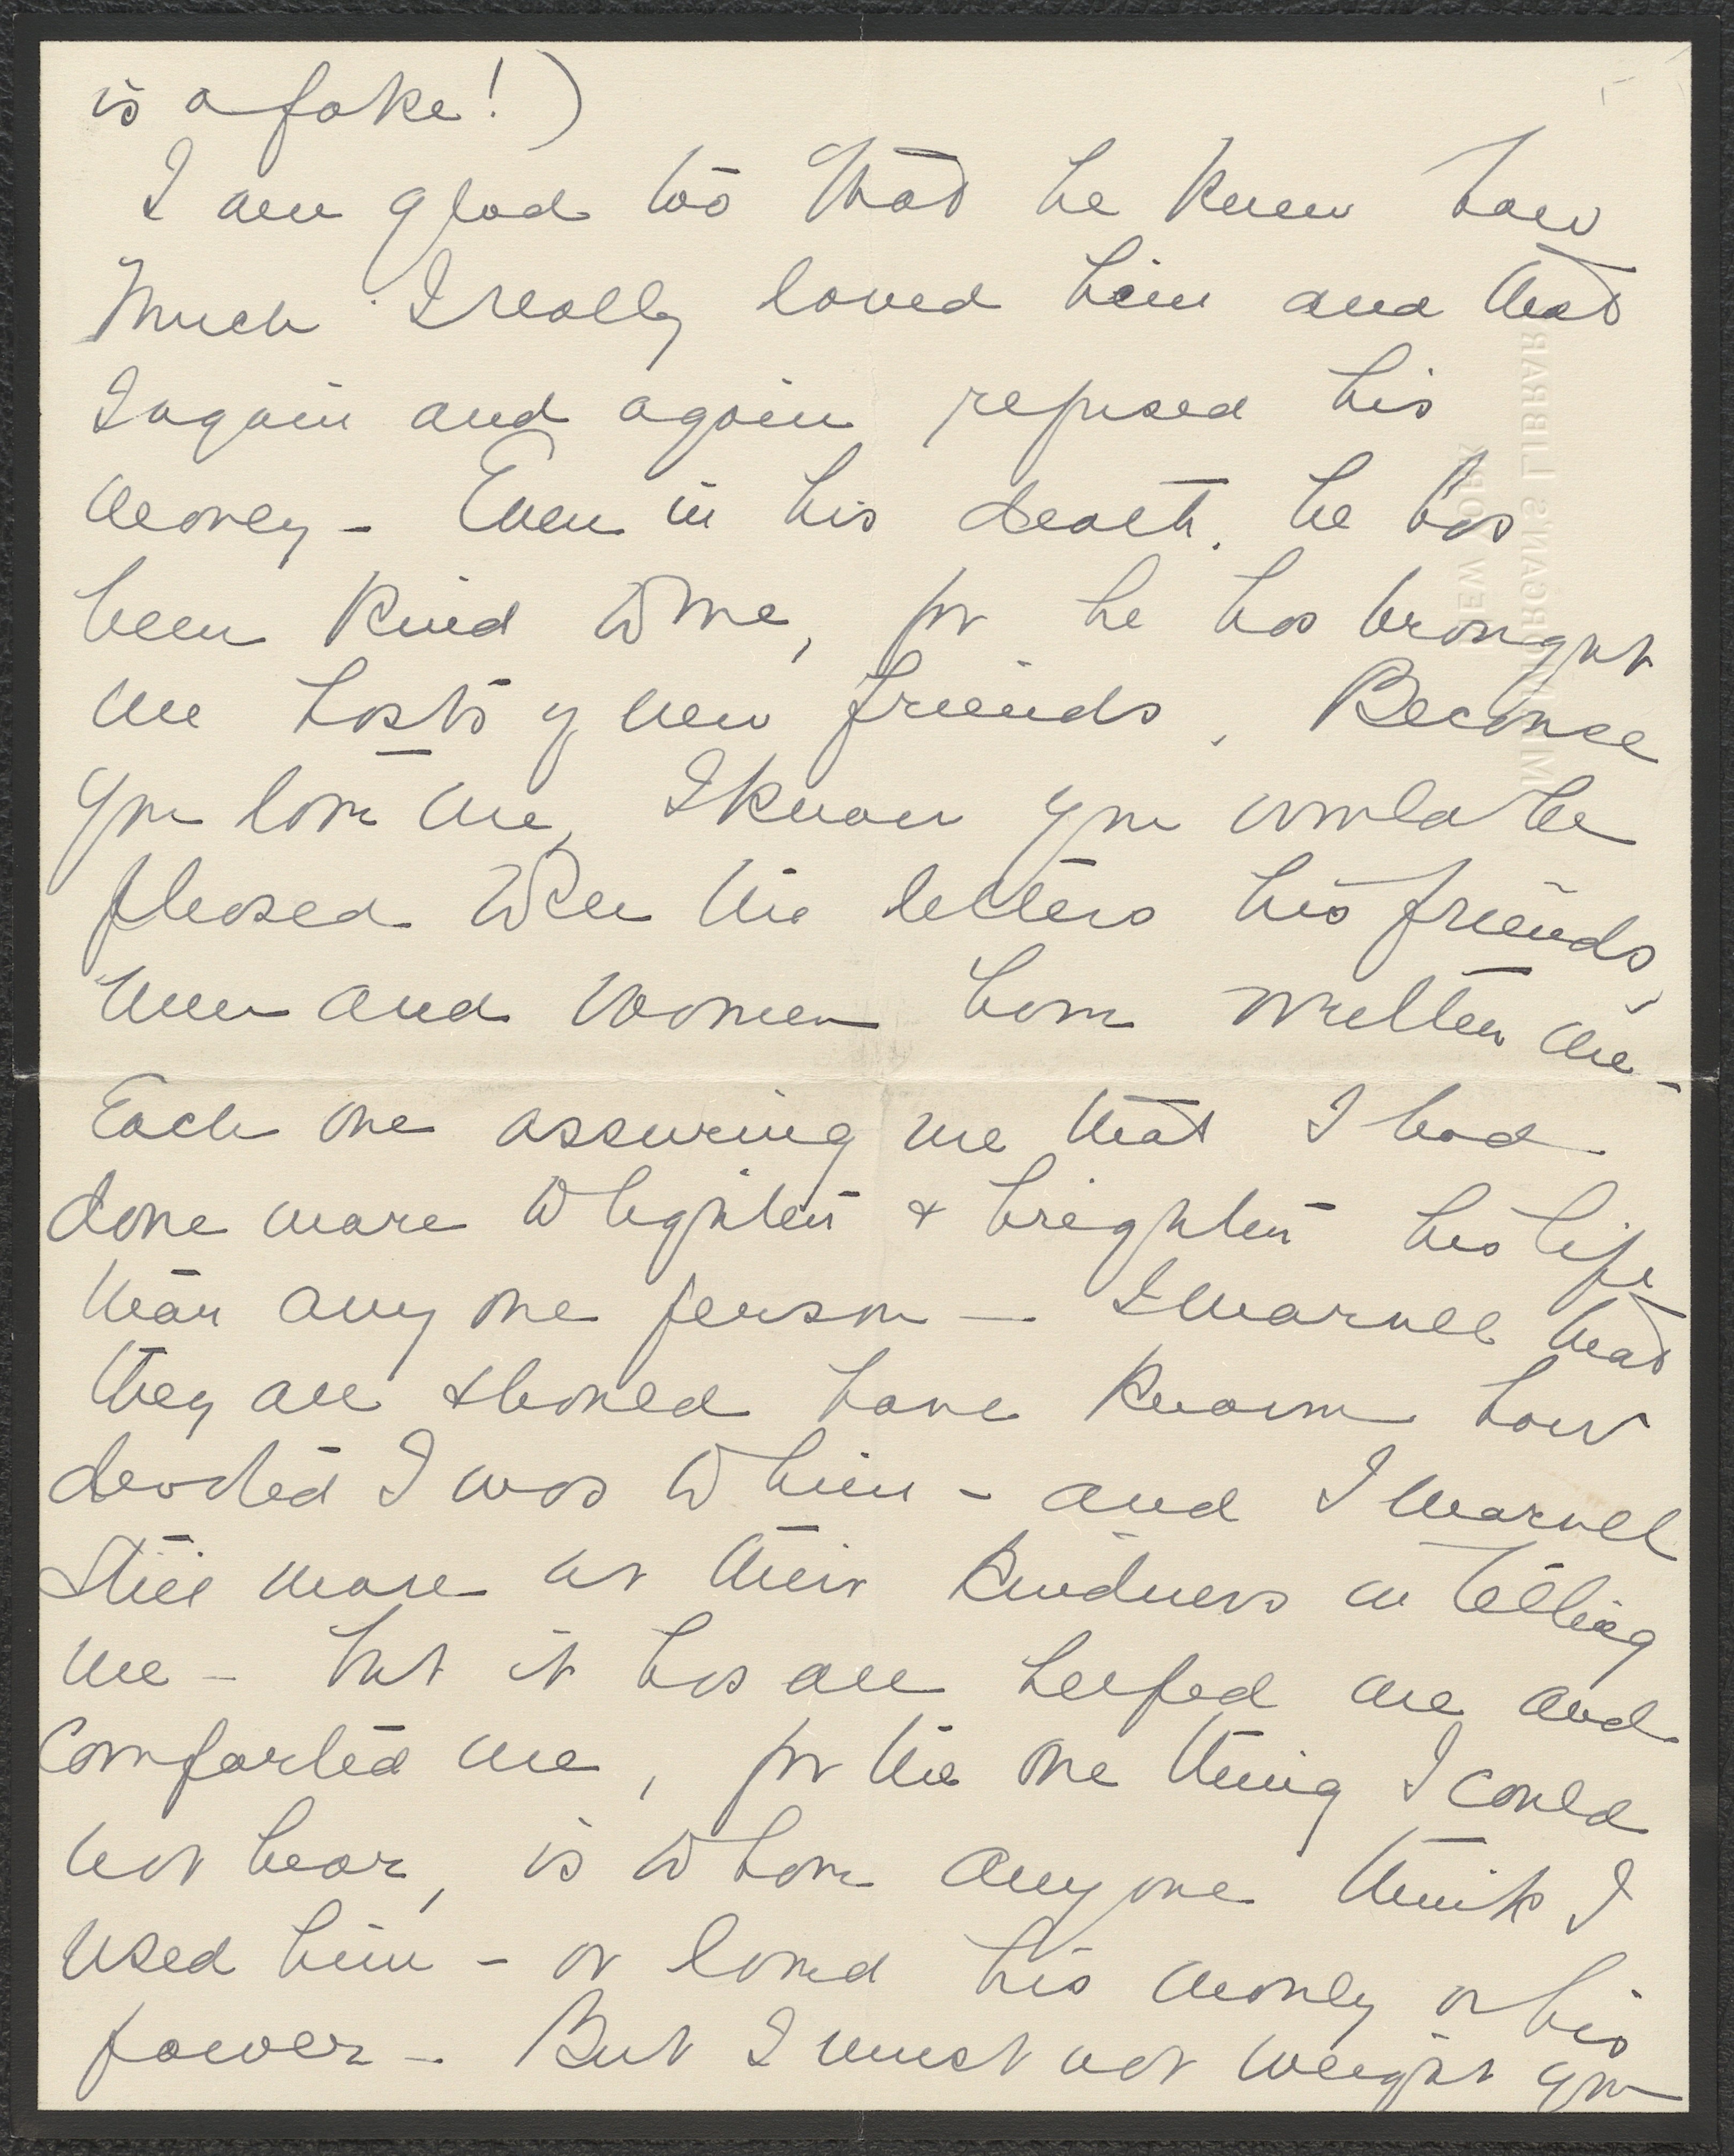is a fake!)
I am glad too that he knew how much I really loved him and that I again and again refused his money – Even in his death he has been kind to me, for he has brought me hosts of new friends. Because you love me, I know you would be pleased to see the letter his friends, men and women have written me – Each one assuring me that I had done more to lighten & brighten his life that any one person – I marvel that they all should have known how devoted I was to him – and I marvel still more at their kindness in telling me – but it has all helped me and comforted me, for the one thing I could not bear, is to have anyone think I used him – or loved his money or his power – But I must not weight you